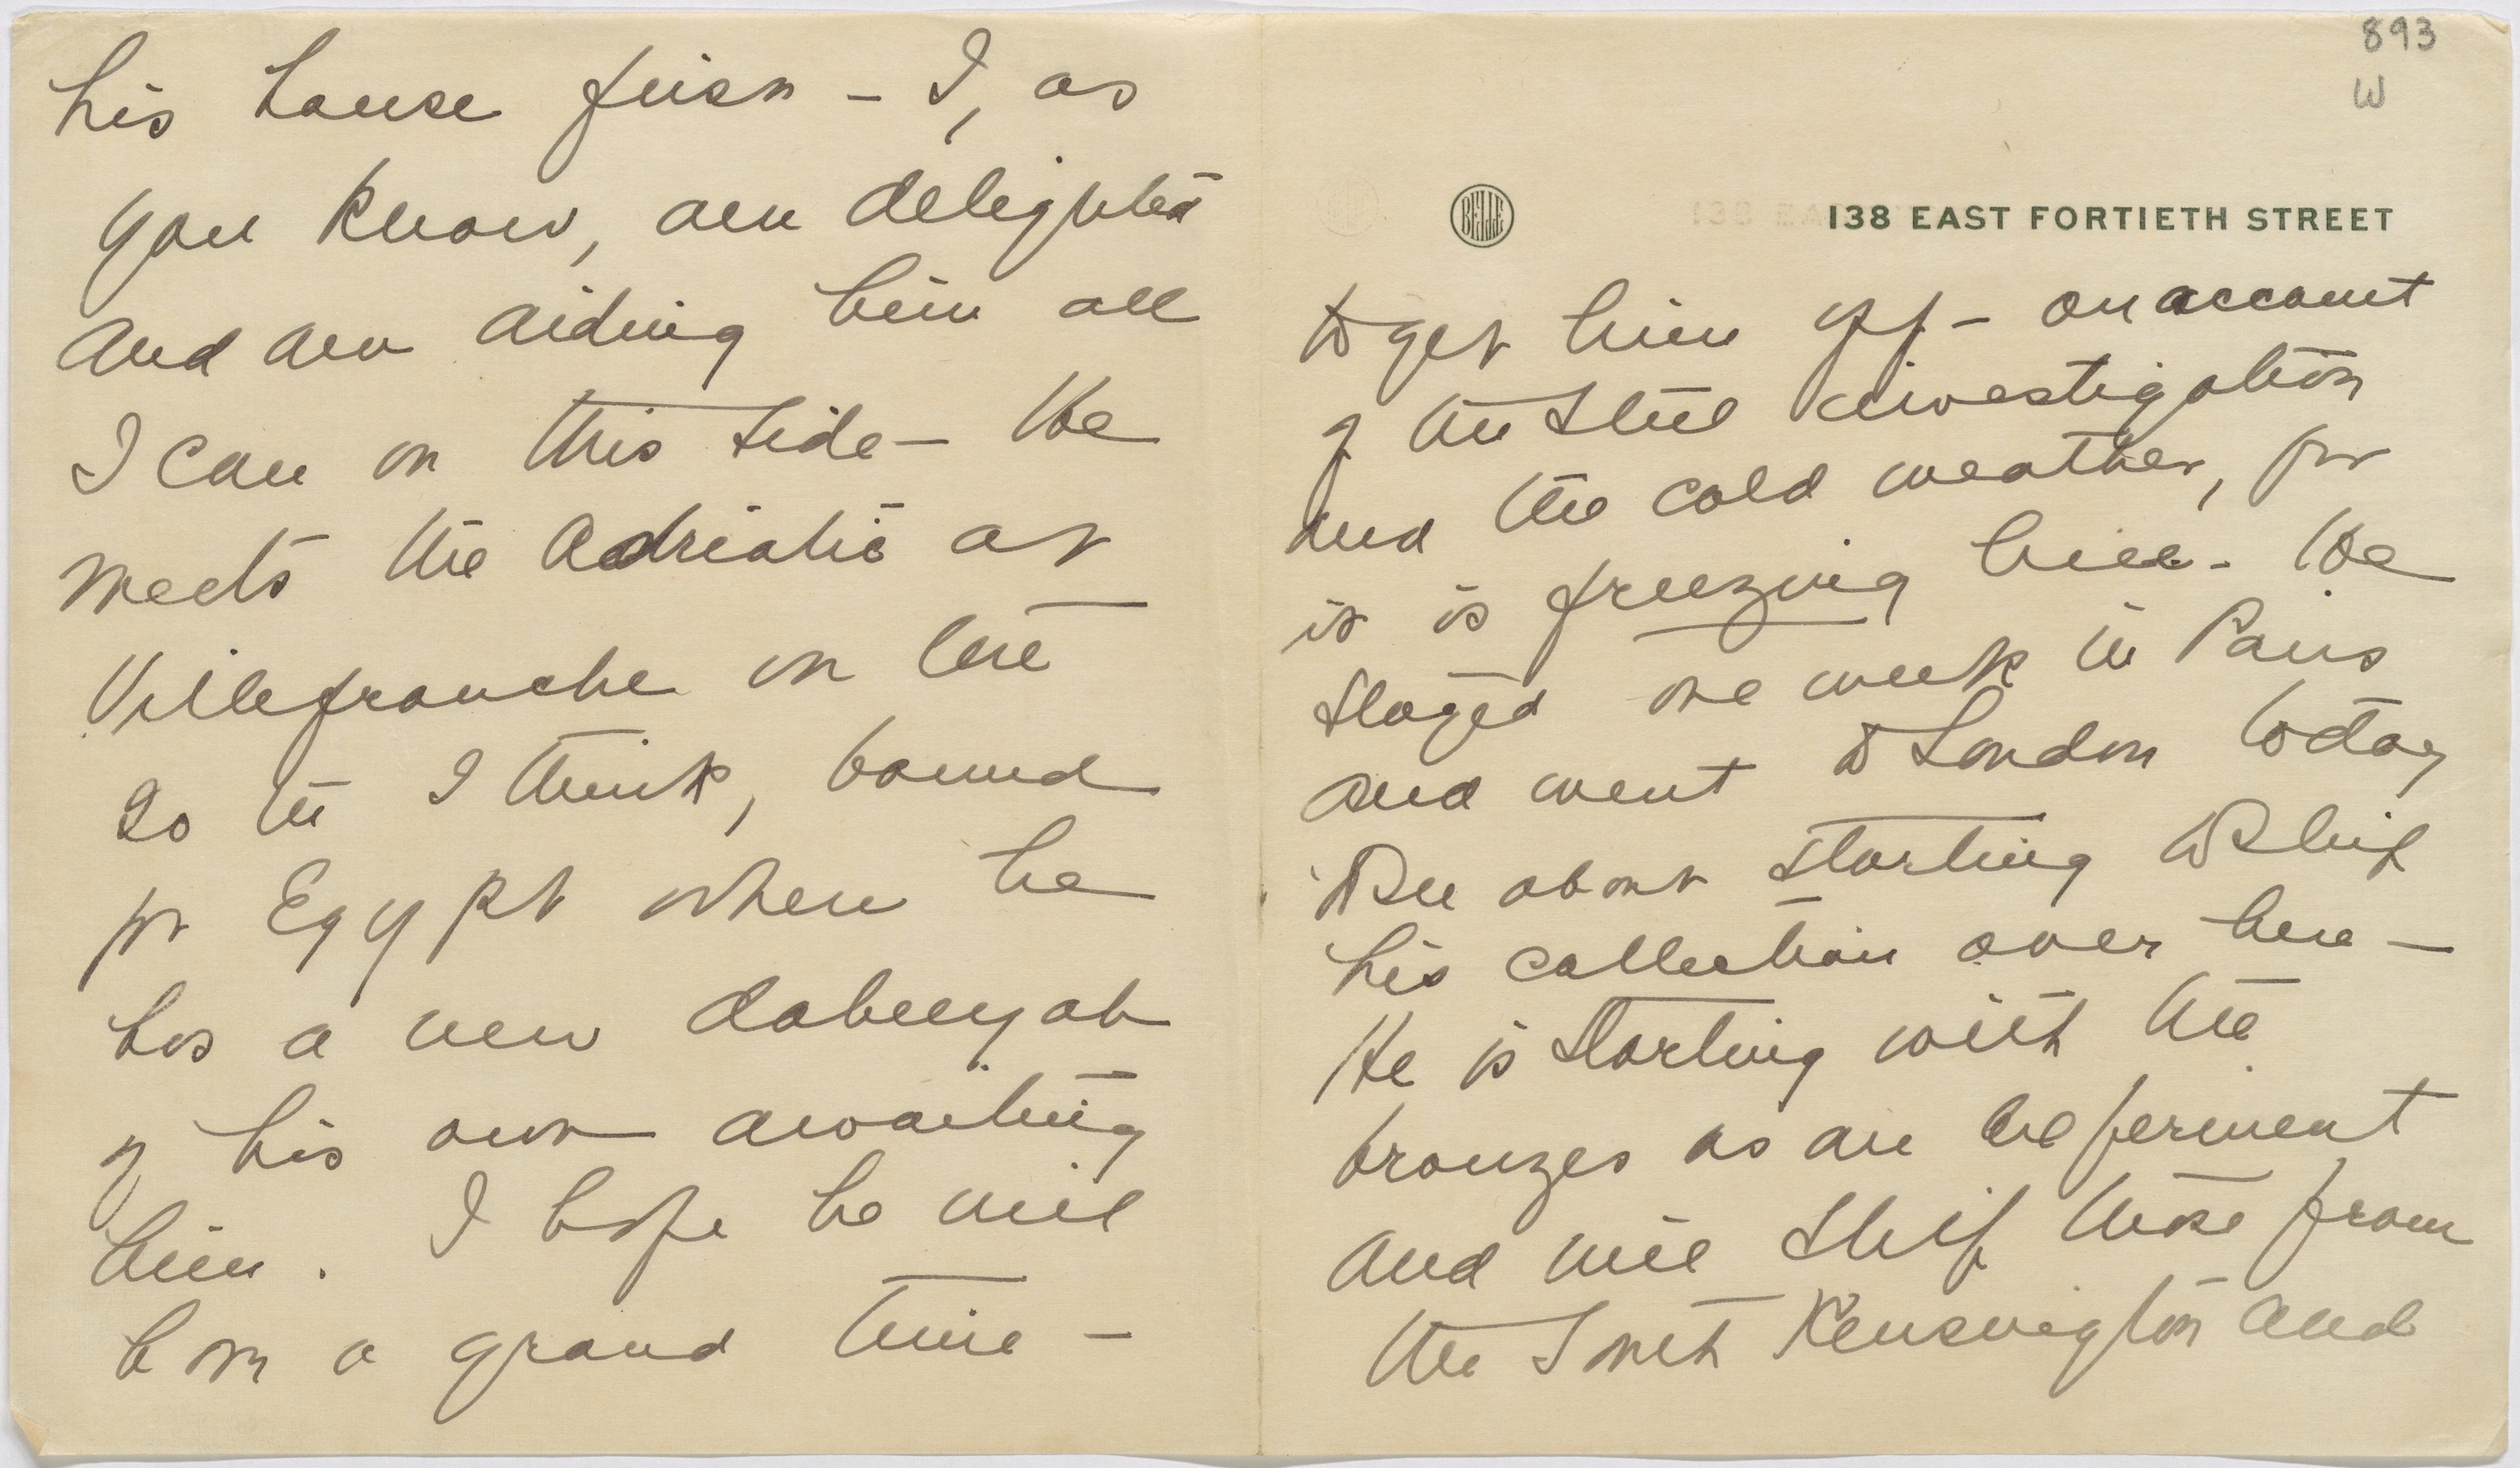to get him off – on account of the Steel investigation and the cold weather, for it is freezing here – He stayed one week in Paris and went to London today to see about starting to ship his collection over here – He is starting with the bronzes as an experiment and will ship these from the South Kensington and
his house first – I, as you know, am delighted and am aiding him all I can on this side – He meets the Adriatic at Villefranche on the 20th I think, bound for Egypt where he has a new dabeeyah [sic] of his own awaiting him. I hope he will have a grand time –